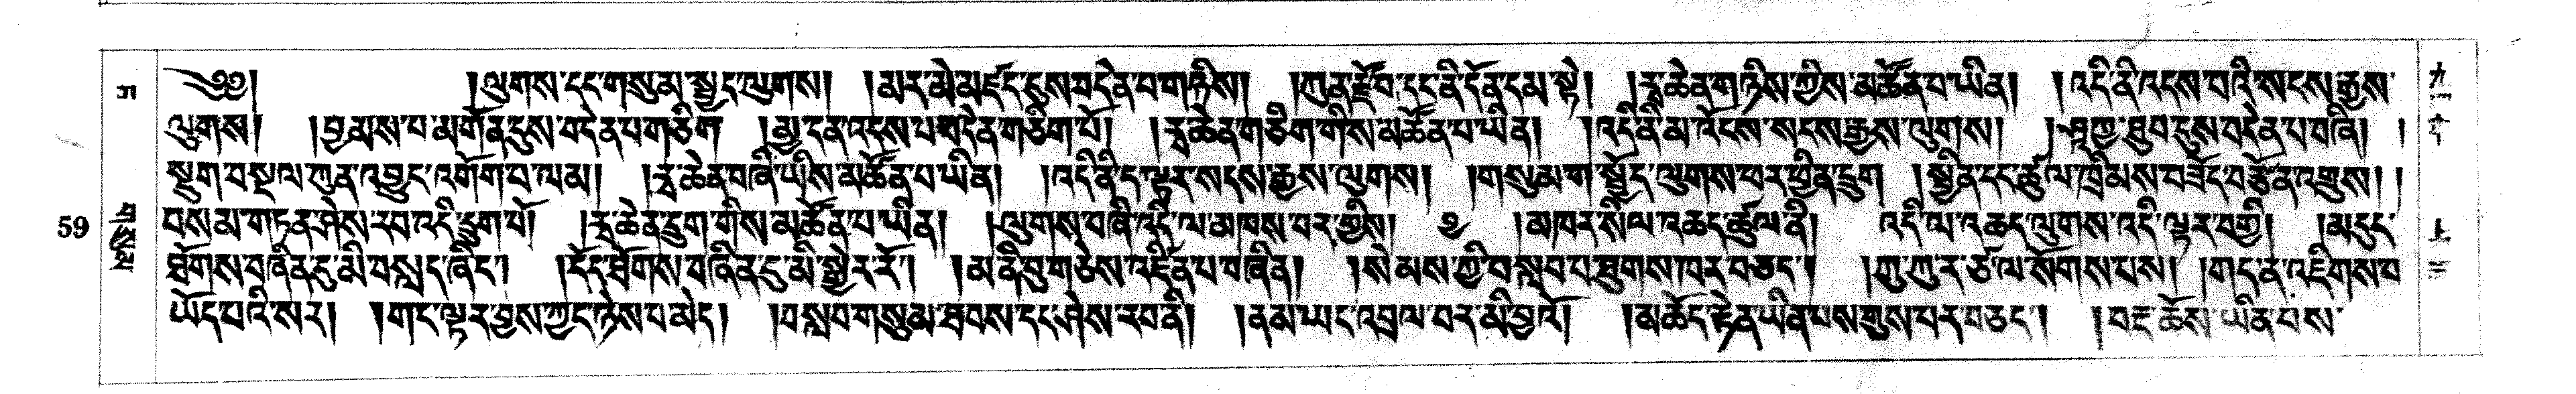༄༅། །ལུགས་དང་གསུམ་སྦྱང་ལུགས། །མར་མེ་མཛད་དུས་བདེན་པ་གཉིས། །ཀུན་རྫོབ་དང་ནི་དོན་དམ་སྟེ། །རྭ་ཆེན་གཉིས་ཀྱིས་མཚོན་པ་ཡིན། །འདི་ནི་འདས་པའི་སངས་རྒྱས་
ལུགས། །བྱམས་པ་མགོན་དུས་བདེན་པ་གཅིག །མྱ་ངན་འདས་པ་བདེན་གཅིག་པོ། །རྭ་ཆེན་གཅིག་གིས་མཚོན་པ་ཡིན། །འདི་ནི་མ་འོངས་སངས་རྒྱས་ལུགས། །ཤཱཀྱ་ཐུབ་དུས་བདེན་པ་བཞི། །
སྡུག་བསྔལ་ཀུན་འབྱུང་འགོག་བ་ལམ། །རྭ་ཆེན་བཞི་ཡིས་མཚོན་པ་ཡིན། །འདི་ནི་ད་ལྟར་སངས་རྒྱས་ལུགས། །གསུམ་ག་སྦྱོད་ལུགས་ཕར་ཕྱིན་དྲུག །སྦྱིན་དང་ཚུལ་ཁྲིམས་བཟོད་བརྩོན་འགྲུས།།
བསམ་གཏན་ཤེས་རབ་འདི་དྲུག་པོ། །རྭ་ཆེན་དྲུག་གིས་མཚོན་པ་ཡིན། །ལུགས་བཞི་འདི་ལ་མཁས་བར་གྱིས། ༧་།མཁར་སིལ་འཆད་ཚུལ་ནི། འདི་ལ་འཆད་ལུགས་འདི་ལྟར་བགྱི། །མདུད་
ཐོགས་བཞིན་དུ་མི་བསླད་ཞིང་། །དོད་ཐོགས་བཞིན་དུ་མི་སྒྱེར་རོ། །མ་ནི་བུ་གཅེས་འཛིན་པ་བཞིན། །སེམས་ཀྱི་བསླབ་པ་ཐུགས་ཁར་བཅད། །ཀུ་ཀུ་ར་ཙ་ལ་སོགས་པས། །གད་ན་འཇིགས་བ་
ཡོད་པའི་སར། །གང་ལྟར་བྱས་ཀྱང་ཉེས་པ་མེད། །བསླབ་གསུམ་ཐབས་དང་ཤེས་རབ་ནི། །ནམ་ཡང་འབྲལ་བར་མི་བྱའོ། །མཆོད་རྟེན་ཡིན་པས་གུས་པར་བཅད། །བརྡ་ཆོས་ཡིན་པས་